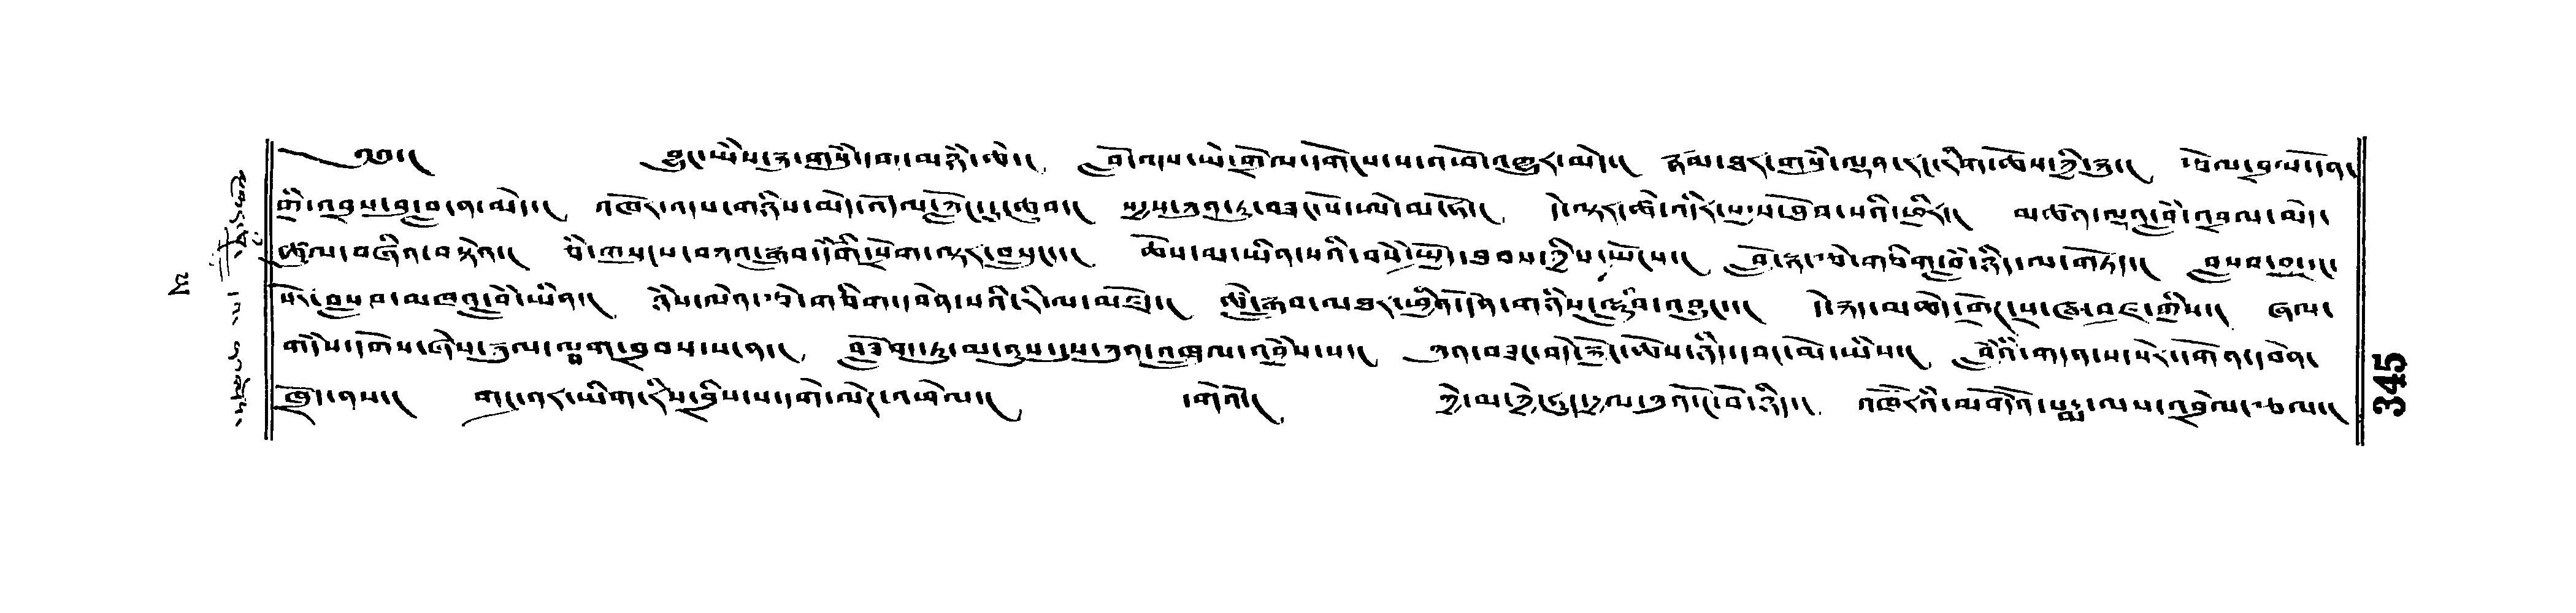བྱུང་ཡེ་ཤེས་སྐུ་གསུམ་དག་མཉམ་ཆེ། །བློ་འདས་ཡེ་གྲོལ་དགོངས་པ་འཕོ་འགྱུར་མེད། །རྣམ་ཐར་གསུམ་ལྡན་རང་རིག་ཆོས་ཀྱི་སྐུ། །རྩོལ་བྲལ་དོན་
གྱི་འབྲས་བུ་བླ་ན་མེད། །འཁོར་འདས་གཉིས་མེད་འོད་གསལ་ཀློང་དུ་ཆུབ། །སངས་རྒྱས་ཀུན་ཏུ་བཟང་པོ་ཨེ་མ་ཧོ། །དེ་ལྟར་ཚེ་འདིར་སངས་རྒྱས་ཐོབ་པའི་ཕྱིར། །མཚན་ལྡན་བླ་མ་འབྲལ་མེད་
ཚུལ་བཞིན་བསྟེན། །ཅི་གསུངས་བཀའ་སྒྲུབ་དམ་ཚིག་སྲོག་ལྟར་བསྲུང་། །ཆོས་མ་ཡིན་པའི་བསམ་སྤྱོད་ཐབས་ཀྱིས་སྤོངས། །བློ་སྣ་རྩེ་གཅིག་བླ་མ་ཉིད་ལ་གཏོད། །བསླབ་བྱ་དྲང་
པོར་བསླབ་མཁན་བླ་མ་ཡིན། །ཉམས་ལེན་རྩེ་གཅིག་དབེན་པའི་རི་ལ་མཛོད། །ཚེ་སྒྲུབ་མཐར་ཕྱིན་དོན་གཉིས་ལྷུན་གྲུབ་འབྱུང་།དེ་སྐད་མཆེད་གྲོགས་པྲ་ཝ་བཛྲ་གྱིས། །ཞལ་
གདམས་དགོས་ཞེས་སྐུལ་ལྕག་བྲབས་པ་ན། །བཟློག་ཏུ་མ་ནུས་དུས་ཀུན་འཁྲུལ་འབྱམས་པ། །ཀུན་བཟང་བདེ་སྐྱོང་ཆོས་ཉིད་དབང་མོ་ཡིས། །བླ་མའི་གདན་ས་སེར་དགོན་དབེན་
ཁྲོད་ནས། །གང་ཤར་ཡིག་རིས་བྲིས་པ་དགེ་ལེགས་འཕེལ། དགེའོ།། ཀྱེ་མ་ཀྱེ་ཧུད་རྒྱལ་ཀུན་ངོ་བོ་ཉིད། །འཁོར་ལོའི་མགོན་པོ་པདྨ་ལས་འབྲེལ་རྩལ།